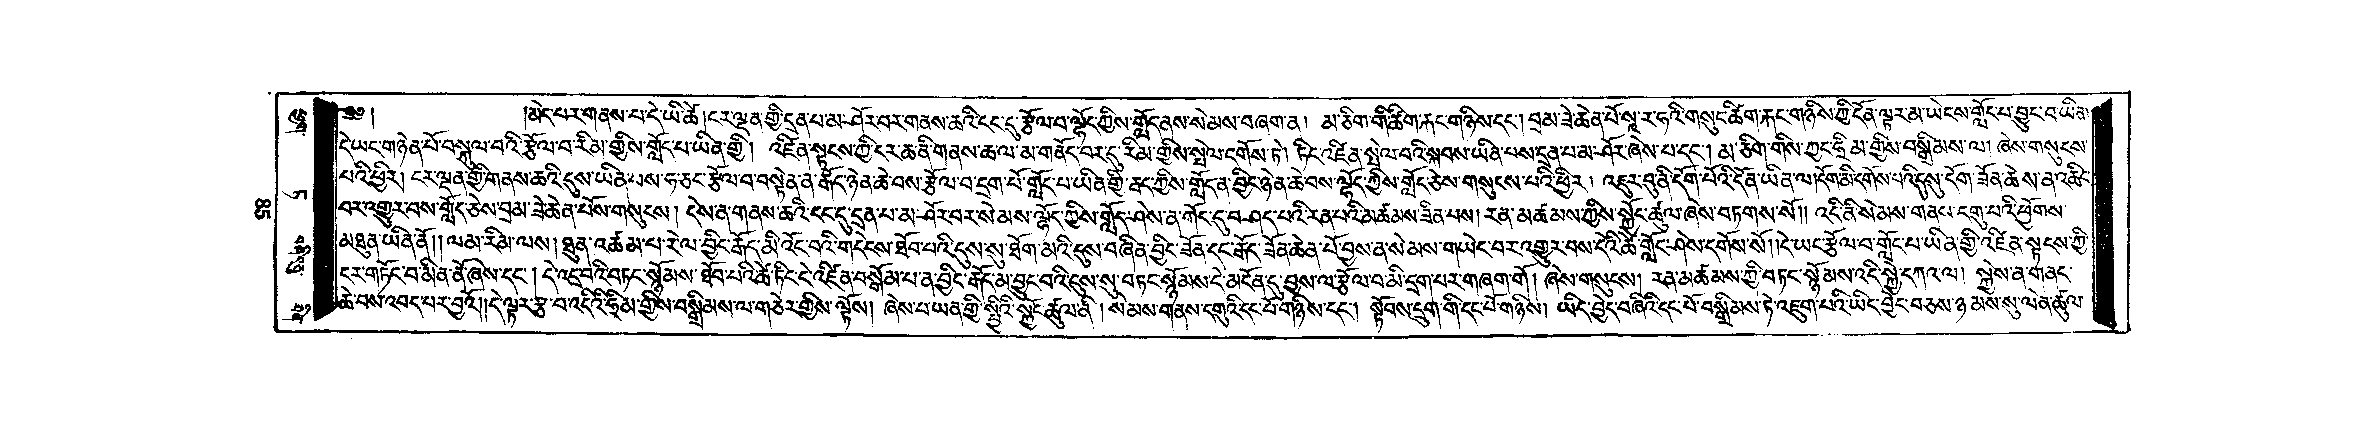༄༅། །མེད་པར་གནས་པ་དེ་ཡི་ཚེ། ངར་ལྡན་གྱི་དྲན་པ་མ་ཤོར་བར་གནས་ཆའི་ངང་དུ་རྩོལ་བ་ལྷོད་ཀྱིས་གློད་ནས་སེམས་བཞག་ན། མ་ཅིག་གི་ཚིག་རྐང་གཉིས་དང་། བྲམ་ཟེ་ཆེན་པོ་སཱ་ར་ཧའི་གསུང་ཚིག་རྐང་གཉིས་ཀྱི་དོན་ལྟར་མ་ཡེངས་གློད་པ་བྱུང་བ་ཡིན།
དེ་ཡང་གཉེན་པོ་བསྐུལ་བའི་རྩོལ་བ་རིམ་གྱིས་གློད་པ་ཡིན་གྱི། འཛིན་སྟངས་ཀྱི་དར་ཆ་ནི་གནས་ཆ་ལ་མ་གནོད་བར་དུ་རིམ་གྱིས་སྤེལ་དགོས་ཏེ། ཏིང་འཛིན་སྤེལ་བའི་སྐབས་ཡིན་པས་དྲན་པ་མ་ཤོར་ཞེས་པ་དང་། མ་ཅིག་གིས་ཀྱང་ཧྲིམ་གྱིས་བསྒྲིམས་ལ། ཞེས་གསུངས་
པའི་ཕྱིར། ངར་ལྡན་གྱི་གནས་ཆའི་དུས་ཡིན་པས་ཧ་ཅང་རྩོལ་བ་བསྟེན་ན་རྒོད་ཉེན་ཆེ་བས་རྩོལ་བ་དྲག་པོ་གློད་པ་ཡིན་གྱི་རྦད་ཀྱིས་གློད་ན་བྱིང་ཉེན་ཆེ་བས་ལྷོད་ཀྱིས་གློད་ཅེས་གསུངས་པའི་ཕྱིར། འཇུར་བུ་ནི་དོག་པོའི་དོན་ཡིན་ལ། དོག་མི་དགོས་པའི་དུས་སུ་དོག་ཟོན་ཆེས་ན་འཆིང་
བར་འགྱུར་བས་གློད་ཅེས་བྲམ་ཟེ་ཆེན་པོས་གསུངས། དེས་ན་གནས་ཆའི་དང་དུ་དྲན་པ་མ་ཤོར་བར་སེམས་ལྷོད་ཀྱིས་གློད་ཤེས་ན་གོང་དུ་བཤད་པའི་རན་པའི་མཚམས་ཟིན་པས། རན་མཚམས་ཀྱིས་སྐྱོང་ཚུལ་ཞེས་བཏགས་སོ། །འདི་ནི་སེམས་གནས་དགུ་པའི་ཕྱོགས་
མཐུན་ཡིན་ནོ། །ལམ་རིམ་ལས། ཐུན་འཚམ་པ་རེ་ལ་བྱིང་རྒོད་མི་འོང་བའི་གདེངས་ཐོབ་པའི་དུས་སུ་ཐོག་མའི་དུས་བཞིན་བྱིང་ཟོན་དང་རྒོད་ཟོན་ཆེན་པོ་བྱས་ན་སེམས་གཡེང་བར་འགྱུར་བས་དེའི་ཚེ་གློང་ཤེས་དགོས་སོ། །དེ་ཡང་རྩོལ་བ་གློད་པ་ཡིན་གྱི་འཛིན་སྟངས་ཀྱི་
ངར་གཏོང་བ་མིན་ནོ་ཞེས་དང་། དེ་འདྲ་བའི་བཏང་སྙོམས་ཐོབ་པའི་ཚེ་ཏིང་ངེ་འཛིན་བསྒོམ་པ་ན་བྱིང་རྒོད་མ་བྱུང་བའི་དུས་སུ་བཏང་སྙོམས་དེ་མངོན་དུ་བྱས་ལ་རྩོལ་བ་མི་དྲག་པར་གཞག་གོ །ཞེས་གསུངས། རན་མཚམས་ཀྱི་བཏང་སྙོམས་འདི་སྐྱེ་དཀའ་ལ། སྐྱེས་ན་གནད་
ཆེ་བས་འབད་པར་བྱའོ། །དེ་ལྟར་རྩ་བ་འདིའི་ཧྲིམ་གྱིས་བསྒྲིམས་ལ་གཅེར་གྱིས་ལྟོས། ཞེས་པ་ཡན་གྱི་སྤྱིའི་སྐྱོང་ཚུལ་ནི། སེམས་གནས་དགུའི་དང་པོ་གཉིས་དང་། སྟོབས་དྲུག་གི་དང་པོ་གཉིས། ཡིད་བྱེད་བཞིའི་དང་པོ་བསྒྲིམས་ཏེ་འཇུག་པའི་ཡིད་བྱེད་བཅས་ཉམས་སུ་ལེན་ཚུལ་